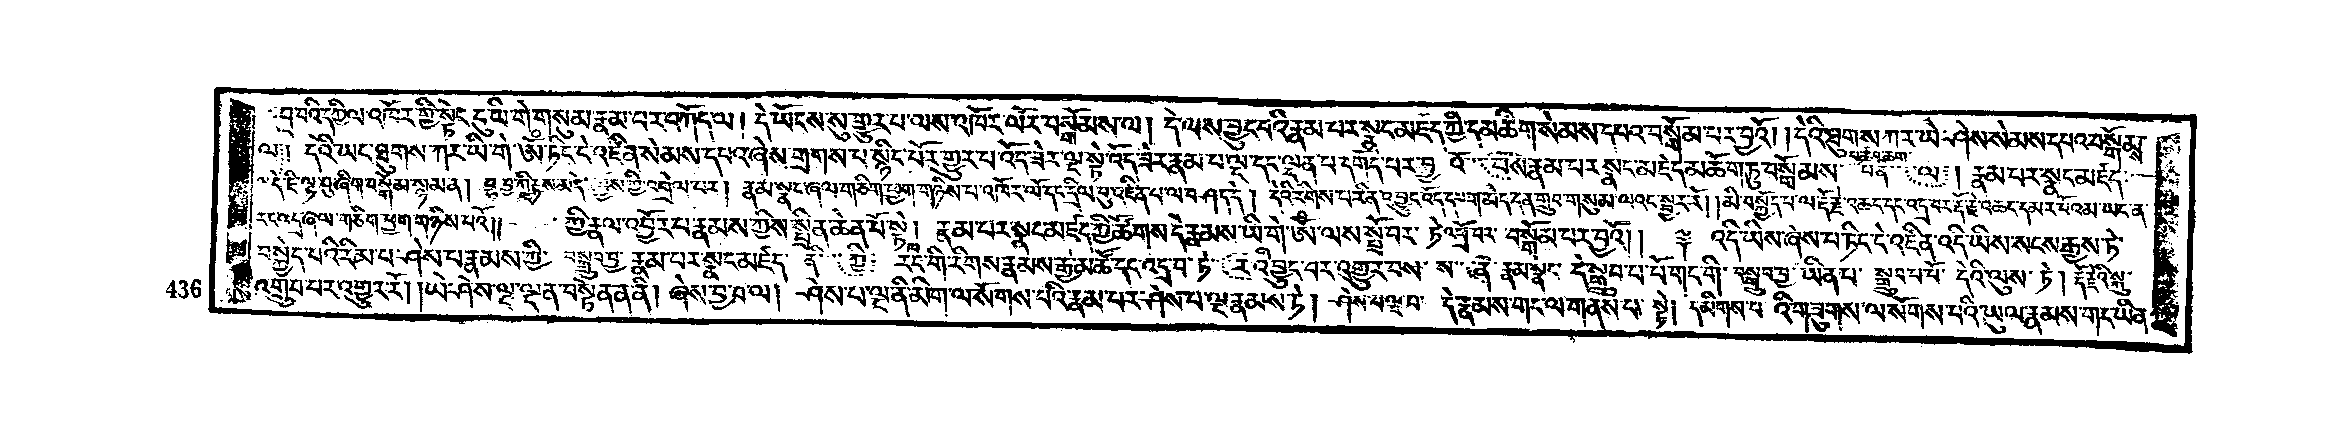འབྲལ་བའི་དཀྱིལ་འཁོར་གྱི་སྟེང་དུ་ཡི་གེ་གསུམ་རྣམ་པར་བཀོད་ལ། དེ་ཡོངས་སུ་གྱུར་པ་ལས་འཁོར་ལོར་བསྒོམས་ལ། ད་ལས་བྱུང་བའི་རྣམ་པར་སྣང་མཛད་ཀྱི་དམ་ཚིག་སེམས་དཔའ་བསྒོམ་པར་བྱའོ། །དེའི་ཐུགས་ཀར་ཡེ་ཤེས་སེམས་དཔའ་བསྒོམས་
ལ། དེའི་ཡང་ཐུགས་ཀར་ཡི་གེ་ཨོཾ་ཏིང་ངེ་འཛིན་སེམས་དཔའ་ཞེས་གྲགས་པ་སྙིང་པོར་གྱུར་པ་འོད་ཟེར་ལྔ་སྟེ་འོད་ཟེར་རྣམ་པ་ལྔ་དང་ལྡན་པ་དགོད་པར་བྱའོ་པས་རྣམ་པར་སྣང་མཛད་མཆོག་ཏུ་བསྒོམས་པ་ཚབ་ཆག་པ་ནི་ལ། རྣམ་པར་སྣང་མཛད་
༧དེ་ཇི་ལྟ་བུ་ཞིག་བསྒོམ་སྙམ་ན། བྷ་བྱ་ཀཱིརྟིས་མཛད་?་བྱས་ཀྱི་འགྲེལ་པར། རྣམ་སྣང་ཞལ་གཅིག་ཕྱག་གཉིས་པ་འཁོར་ལོ་དང་དྲིལ་བུ་འཛིན་པ་ལ་བཤད་དེ། དེའི་རིགས་པ་རིན་འབྱུང་འོད་དཔག་མེད་དན་གྲུབ་གསུམ་ལའང་སྦྱར་རོ། །མི་བསྐྱོད་པ་ལ་རྡོ་རྗེ་འཆང་དང་འདྲ་བར་རྡོ་རྗེ་འཆང་དམར་པོའམ་ཡང་ན་
རང་འདྲ་ཞལ་གཅིག་ཕྱག་གཉིས་པའོ།།.H ཀྱི་རྣལ་འབྱོར་པ་རྣམས་ཀྱིས་སྤྲིན་ཆེན་པོ་སྟེ། རྣམ་པར་སྣང་མཛད་ཀྱི་ཚོགས་དེ་རྣམས་ཡི་གེ་ཨོཾ་ལས་སྤྲོ་བར་ཏེ་འཕྲོ་བར་བསྒོམ་པར་བྱའོ།། ༈ འདི་ཡིས་ཞེས་པ་ཏིང་ངེ་འཛིན་འདི་ཡིས་སངས་རྒྱས་ཏེ་
བསྐྱེད་པའི་རིམ་པ་ཤེས་པ་རྣམས་ཀྱི་བསྒྲུབ་བྱ་རྣམ་པར་སྣང་མཛད་ནི་ཀྱི་ཁ་རང་གི་རིགས་རྣམས་ཀ་རྒྱ་མཚོ་དང་འདྲ་བ་ཏེ་ར་ག་འབྱུང་བར་འགྱུར་བས་ས་ནི་རྣམ་སྣང་དེ་སྒྲུབ་པ་པོ་གང་གི་བསྒྲུབ་བྱ་ཡིན་པ་སྒྲུབ་པ་པོ་དེའི་ལུས་ཏེ། རྡོ་རྗེའི་སྐུ་
འགྲུབ་པར་འགྱུར་རོ། །ཡེ་ཤེས་ལྔ་ལྡན་བསྟན་ན་ནི། ཞེས་བྱ་བ་ལ། ཤེས་པ་ལྔ་ནི་མིག་ལ་སོགས་པའི་རྣམ་པར་ཤེས་པ་ལྔ་རྣམས་ཏེ། ཤེས་པ་ལྔ་པ་དེ་རྣམས་གང་ལ་གནས་པ་སྟེ། དམིགས་པའི་གཟུགས་ལ་སོགས་པའི་ཡུལ་རྣམས་གང་ཡིན་